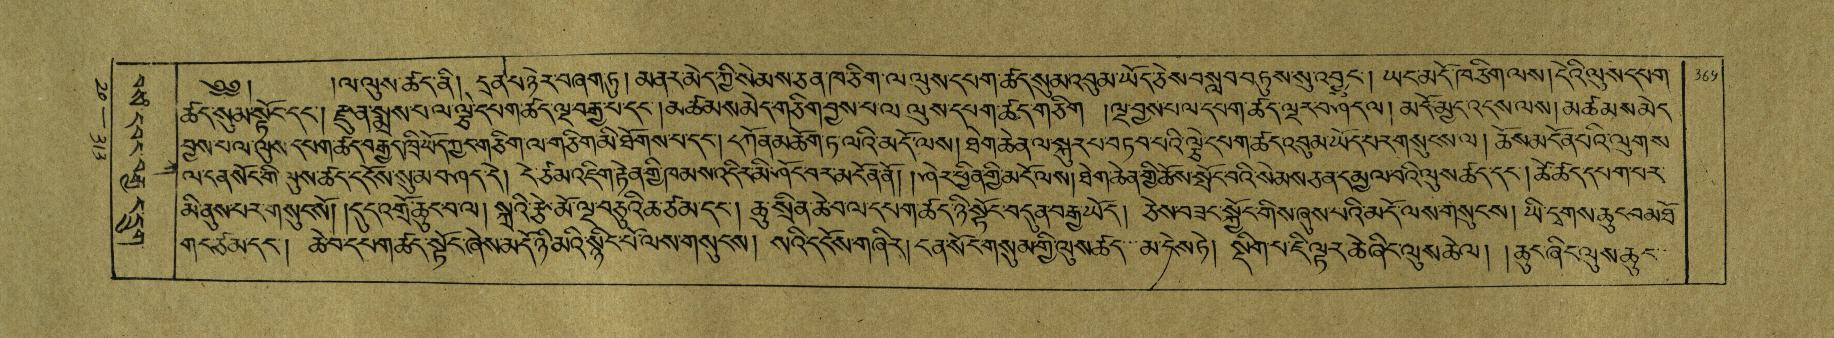༄༅། །ལ་ལུས་ཚད་ནི། དྲན་པ་ཉེར་བཞག་ཏུ། མནར་མེད་ཀྱི་སེམས་ཅན་ཁ་ཅིག་ལ་ལུས་དཔག་ཚད་སུམ་འབུམ་ཡོད་ཅེས་བསླབ་བཏུས་སུ་འབྱུང་། ཡང་མདོ་ཁ་ཅིག་ལས། དེའི་ལུས་དཔག་
ཚད་སུམ་སྟོང་དང་། རྫུན་སྨྲས་པ་ལ་ལྕེ་དཔག་ཚད་ལྔ་བརྒྱ་པ་དང་། མཚམས་མེད་གཅིག་བྱས་པ་ལ་ལུས་དཔག་ཚད་གཅིག །ལྔ་བྱས་པ་ལ་དཔག་ཚད་ལྔར་བཤད་ལ། མདོ་མྱད་འདས་ལས། མཚམས་མེད་
བྱས་པ་ལ་ལུས་དཔག་ཚད་བརྒྱད་ཁྲི་ཡོད་ཀྱང་གཅིག་ལ་གཅིག་མི་ཐོགས་པ་དང་། དཀོན་མཆོག་ཏ་ལའི་མདོ་ལས། ཐེག་ཆེན་ལ་སྐུར་བ་བཏབ་པའི་ལྕེ་དཔག་ཚད་འབུམ་ཡོད་པར་གསུངས་ལ། ཆོས་མངོན་པའི་ལུགས་
ལ་ངན་སོང་གི་ལུས་ཚད་དངོས་སུ་མ་བཤད་དེ། དེ་ཙམ་འཇིག་རྟེན་གྱི་ཁམས་འདིར་མི་ཤོང་བར་མངོན་ནོ། །ཤེར་ཕྱིན་གྱི་མདོ་ལས། ཐེག་ཆེན་གྱི་ཆོས་སྤོང་བའི་སེམས་ཅན་དམྱལ་བའི་ལུས་ཚད་དང་། ཚེ་ཚད་དཔག་པར་
མི་ནུས་པར་གསུངྶོ། །དུད་འགྲོ་ཆུང་བ་ལ། སྐྲའི་རྩེ་མོ་ལྔ་བཅུའི་ཆ་ཙམ་དང་། ཆུ་སྲིན་ཆེ་བ་ལ་དཔག་ཚད་ཉི་སྟོང་བདུན་བརྒྱ་ཡོད། ཅེས་བཟང་སྐྱོང་གིས་ཞུས་པའི་མདོ་ལས་གསུངས། ཡི་དྭགས་ཆུང་བ་མཐོ་
གང་ཙམ་དང་། ཆེ་བ་དཔག་ཚད་སྟོང་ཞེས་མདོ་ཉི་མའི་སྙིང་པོ་ལས་གསུངས། སའི་དངོས་གཞིར། ངན་སོང་གསུམ་གྱི་ལུས་ཚད་མ་ངེས་ཏེ། སྡིག་པ་ཇི་ལྟར་ཆེ་ཞིང་ལུས་ཆེ་ལ། །ཆུང་ཞིང་ལུས་ཆུང་